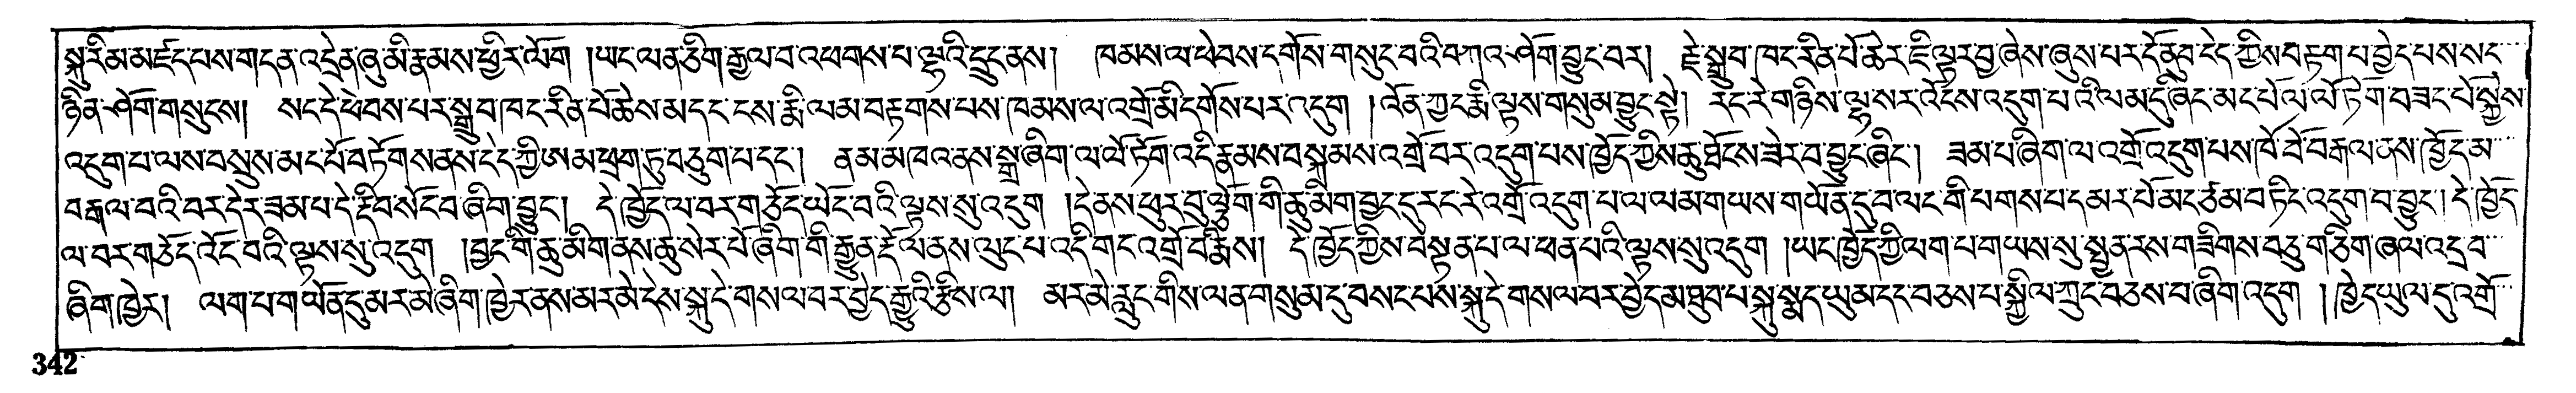སྐུ་རིམ་མཛད་པས་གདན་འདྲེན་ཞུ་མི་རྣམས་ཕྱིར་ལོག །ཡང་ལན་ཅིག་རྒྱལ་བ་འཕགས་པ་ལྷའི་དྲུང་ནས། ཁམས་ལ་ཕེབས་དགོས་གསུང་བའི་བཀའ་ཤོག་བྱུང་བར། རྗེ་སྒྲུབ་ཁང་རིན་པོ་ཆེར་ཇི་ལྟར་བྱ་ཞེས་ཞུས་པར་དོ་ནུབ་ངེད་ཀྱིས་བརྟག་པ་བྱེད་པས་སང་
ཉིན་ཤོག་གསུངས། སང་དེ་ཕེབས་པར་སྒྲུབ་ཁང་རིན་པོ་ཆེས་མདང་ངས་རྨི་ལམ་བརྟགས་པས་ཁམས་ལ་འགྲོ་མི་དགོས་པར་འདུག །འོན་ཀྱང་རྨི་ལྟས་གསུམ་བྱུང་སྟེ། རང་རེ་གཉིས་ལྷ་སར་འོངས་འདུག་པའི་ལམ་དུ་ཞིང་མང་པོ་ལ་ལོ་ཏོག་བཟང་པོ་སྐྱེས་
འདུག་པ་ལས་བསྲུས་མང་པོ་བཏོགས་ནས་ངེད་ཀྱི་ཨམ་ཕྲག་ཏུ་བཅུག་པ་དང་། ནམ་མཁའ་ནས་སྒྲ་ཞིག་ལ་ལོ་ཏོག་འདི་རྣམས་བསྐམས་འགྲོ་བར་འདུག་པས་ཁྱོད་ཀྱིས་ཆུ་ཐོངས་ཟེར་བ་བྱུང་ཞིང་། ཟམ་པ་ཞིག་ལ་འགྲོ་འདུག་པས་ཁོ་བོ་བརྒལ་ནས་ཁྱོད་མ་
བརྒལ་བའི་བར་དེར་ཟམ་པ་དེ་རྡིབ་སོང་བ་ཞིག་བྱུང་། དེ་ཁྱོད་ལ་བར་གཅོད་ཡོང་བའི་ལྟས་སུ་འདུག །དེ་ནས་ཕུར་བུ་ལྕོག་གི་ཆུ་མིག་བྱང་དུ་རང་རེ་འགྲོ་འདུག་པ་ལ་ལམ་གཡས་གཡོན་དུ་བ་ལང་གི་པགས་པ་དམར་པོ་མང་ཙམ་བཏིང་འདུག་པ་བྱུང་། དེ་ཁྱོད་
ལ་བར་གཅོད་འོང་བའི་ལྟས་སུ་འདུག །བྱང་གི་ཆུ་མིག་ནས་ཆུ་སེར་པོ་ཞིག་གི་རྒྱུན་རྡོལ་ནས་ལུང་པ་འདི་གང་འགྲོ་བ་རྨིས། དེ་ཁྱོད་ཀྱིས་བསྟན་པ་ལ་ཕན་པའི་ལྟས་སུ་འདུག །ཡང་ཁྱོད་ཀྱི་ལག་པ་གཡས་སུ་སྦྱན་རས་གཟིགས་བཅུ་གཅིག་ཞལ་འདྲ་བ་
ཞིག་ཁྱེར། ལག་པ་གཡོན་དུ་མར་མེ་ཞིག་ཁྱེར་ནས་མར་མེ་དེས་སྐུ་དེ་གསལ་བར་བྱེད་རྒྱུའི་རྩིས་ལ། མར་མེ་རླུང་གིས་ལན་གསུམ་དུ་བསང་པས་སྐུ་དེ་གསལ་བར་བྱེད་མ་ཐུབ་པ་སྐུ་སྨད་ཡུམ་དང་བཅས་པ་སྐྱིལ་ཀྲུང་བཅས་པ་ཞིག་འདུག །ཁྱེད་ཡུལ་དུ་འགྲོ་